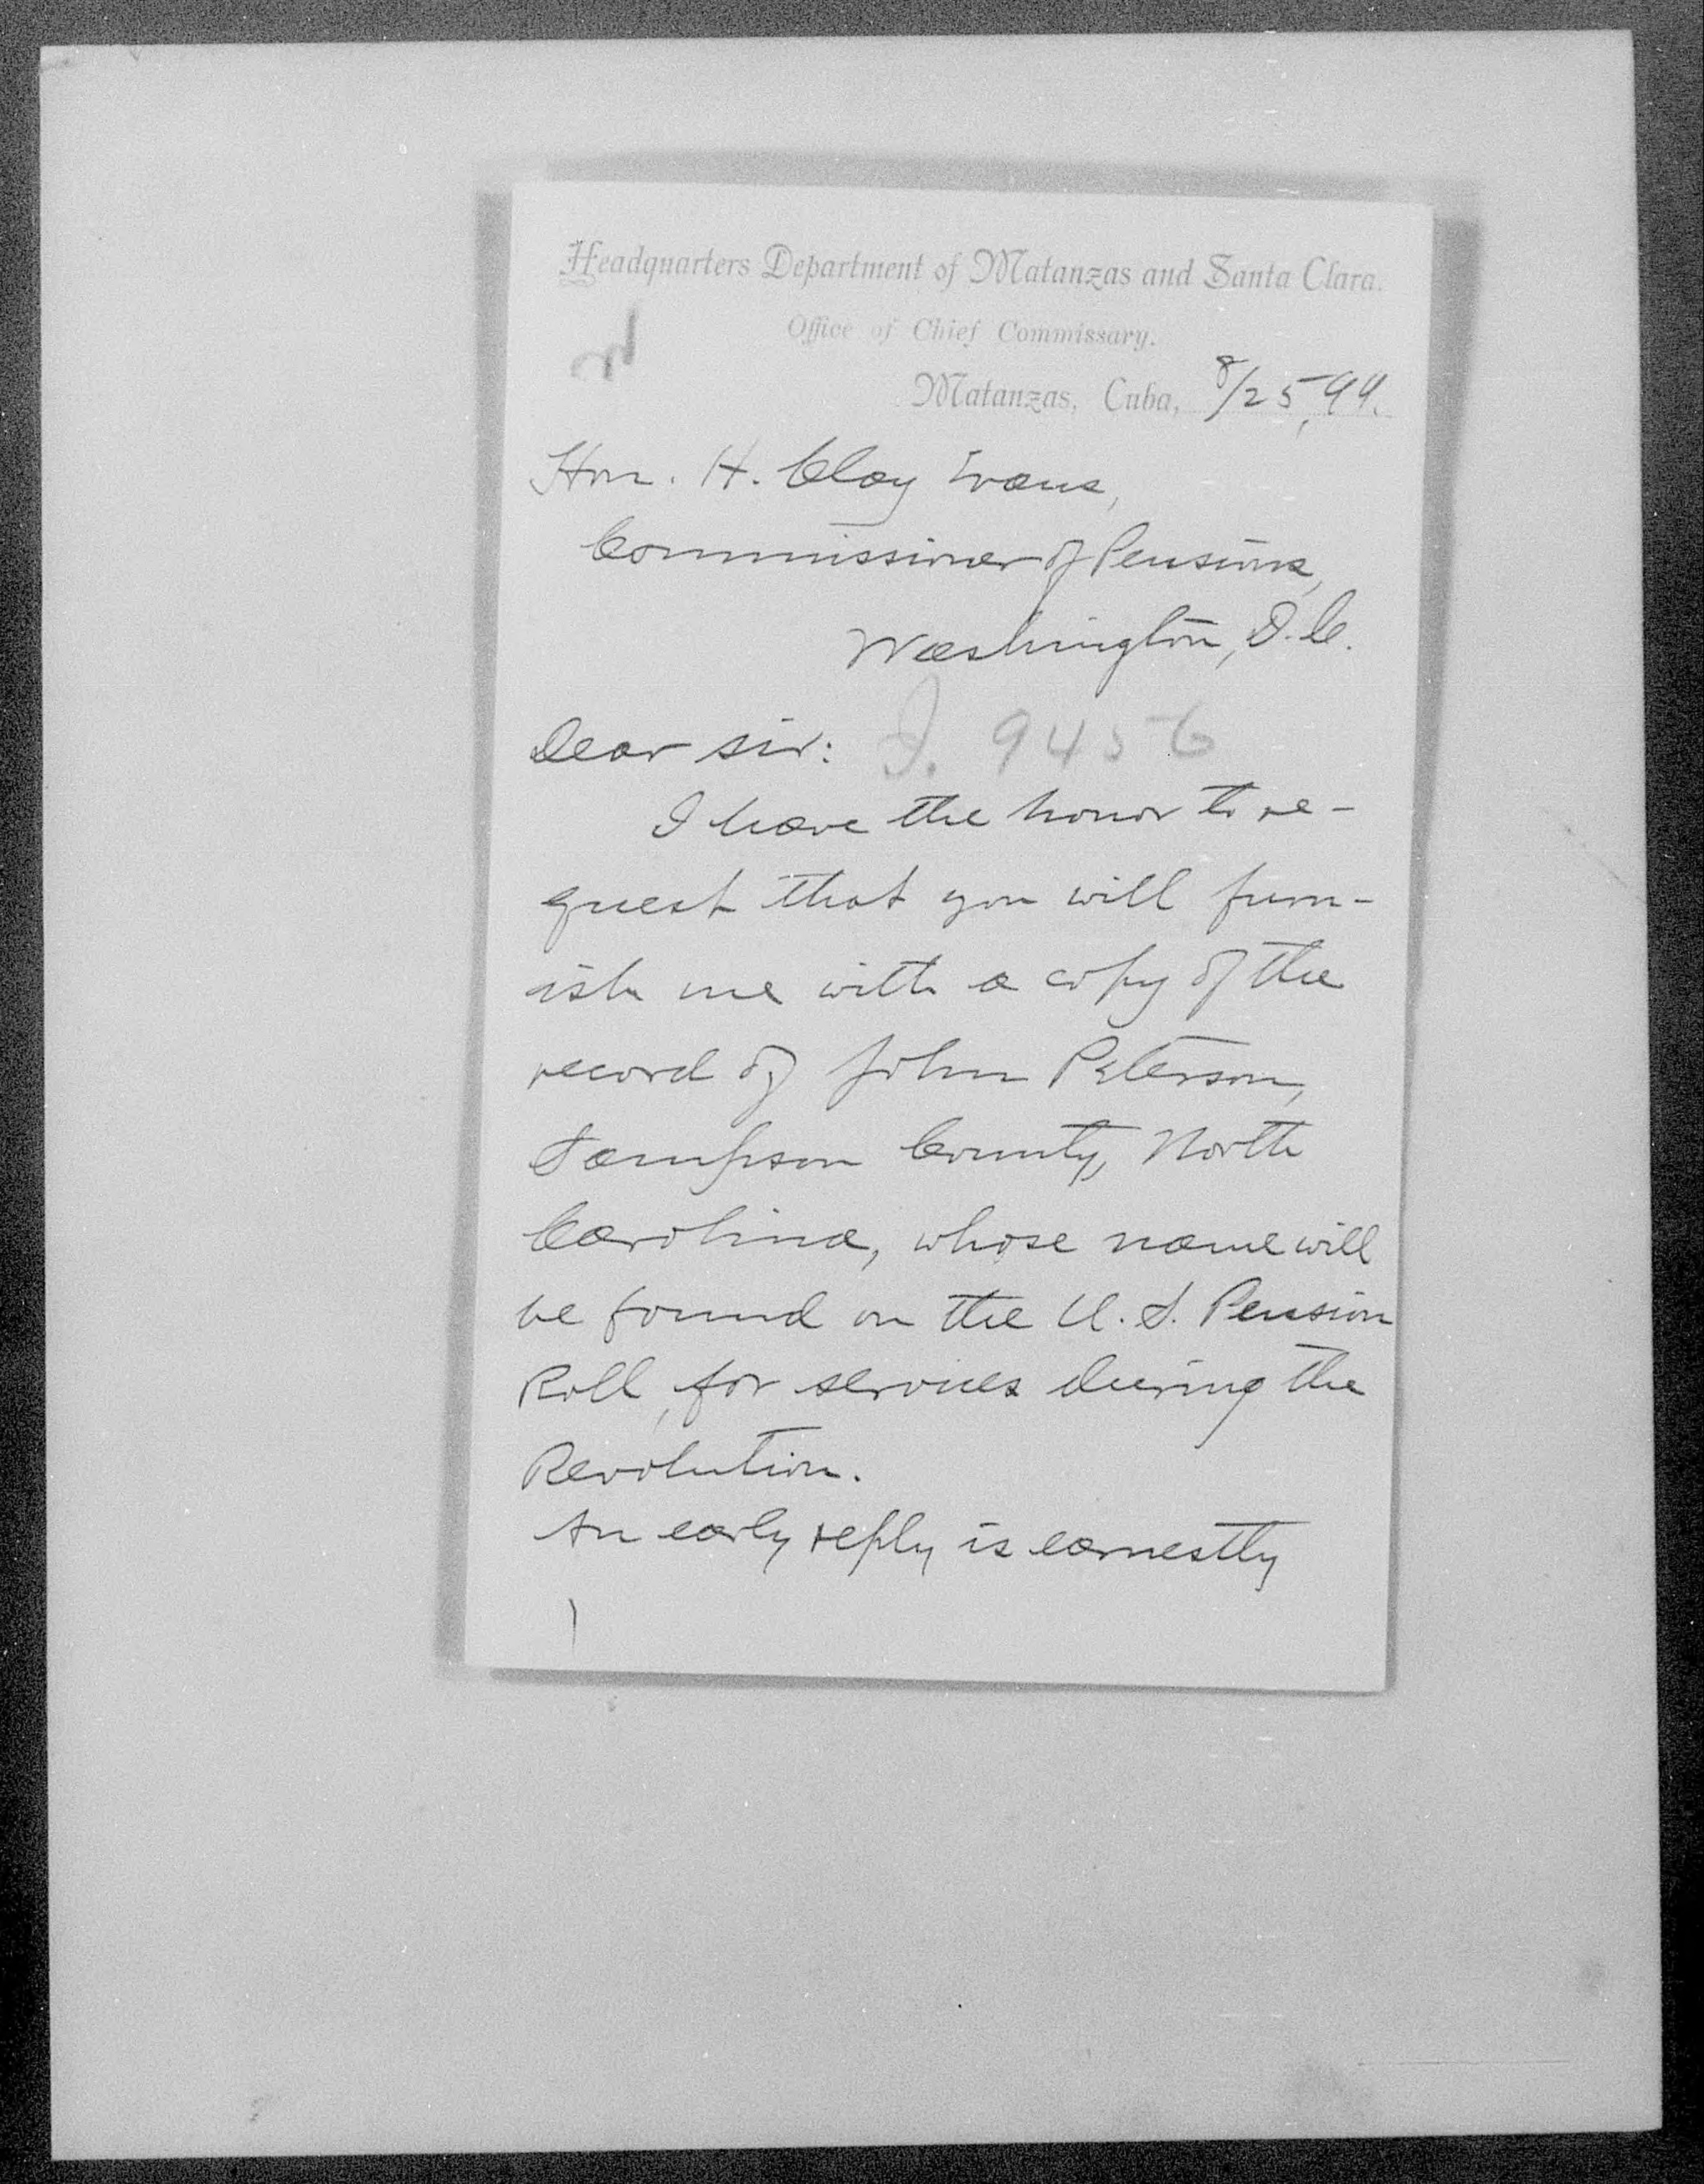Headquarters Department of Matanzas and Santa Clara
Office of Chief Commissary
Matanzas, Cuba 8/2594
Hon H. Gloy Vous
Commissioner of Pensions
Washington, D.C.
Dear sir,
I have to honor to request you will furnish me with a copy of the record of John Peterson Thompson County North Carolina whose name will be found on the U.S. Pension Roll, for service during the Revolution
An early reply is honestly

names: John Peterson; H Clay Evans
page: 11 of 13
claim: survivor's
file: S. 9,456, for John Peterson, North Carolina